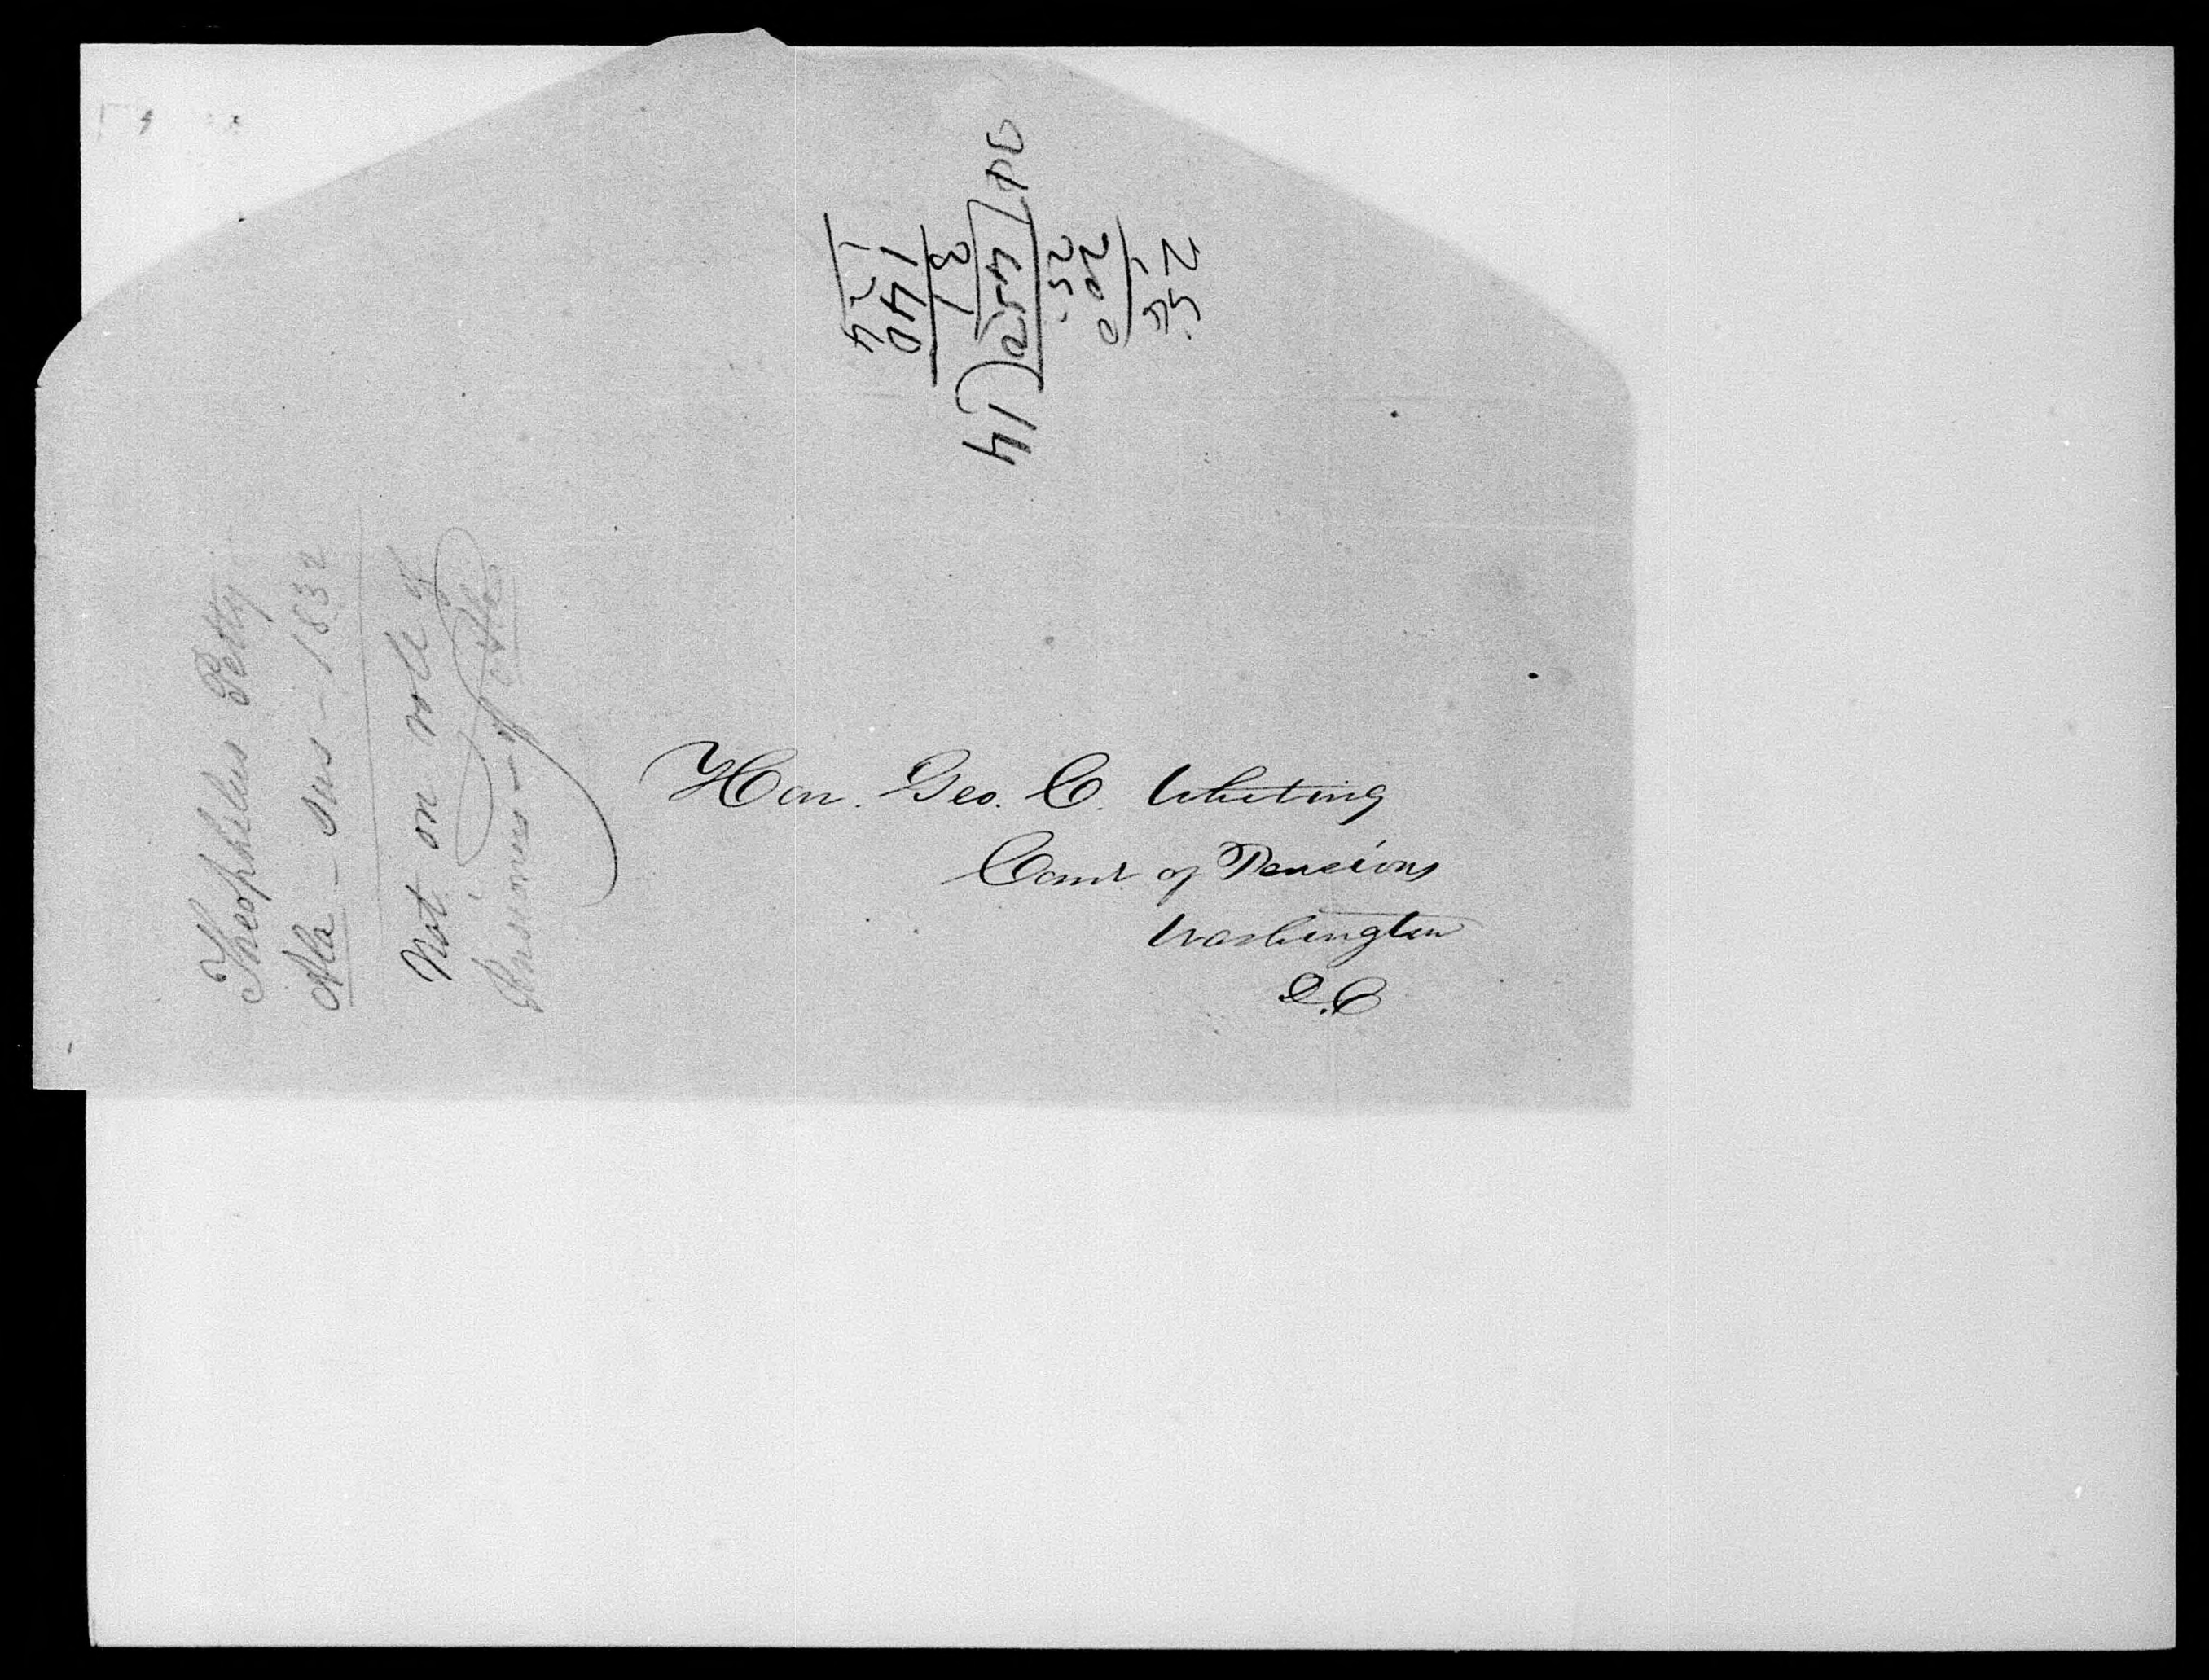25
18
200
25
31/450 (14
31
140
124

Hon Geo C Whiting
Comr of Pensions
Washington
DC

Theophilus Petty
Ala sus 1832
Not on roll of Pensioners of Ala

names: Theophilus Petty; Geo C Whiting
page: 14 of 26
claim: rejected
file: R. 8,161, for Theophilus Petty, South Carolina